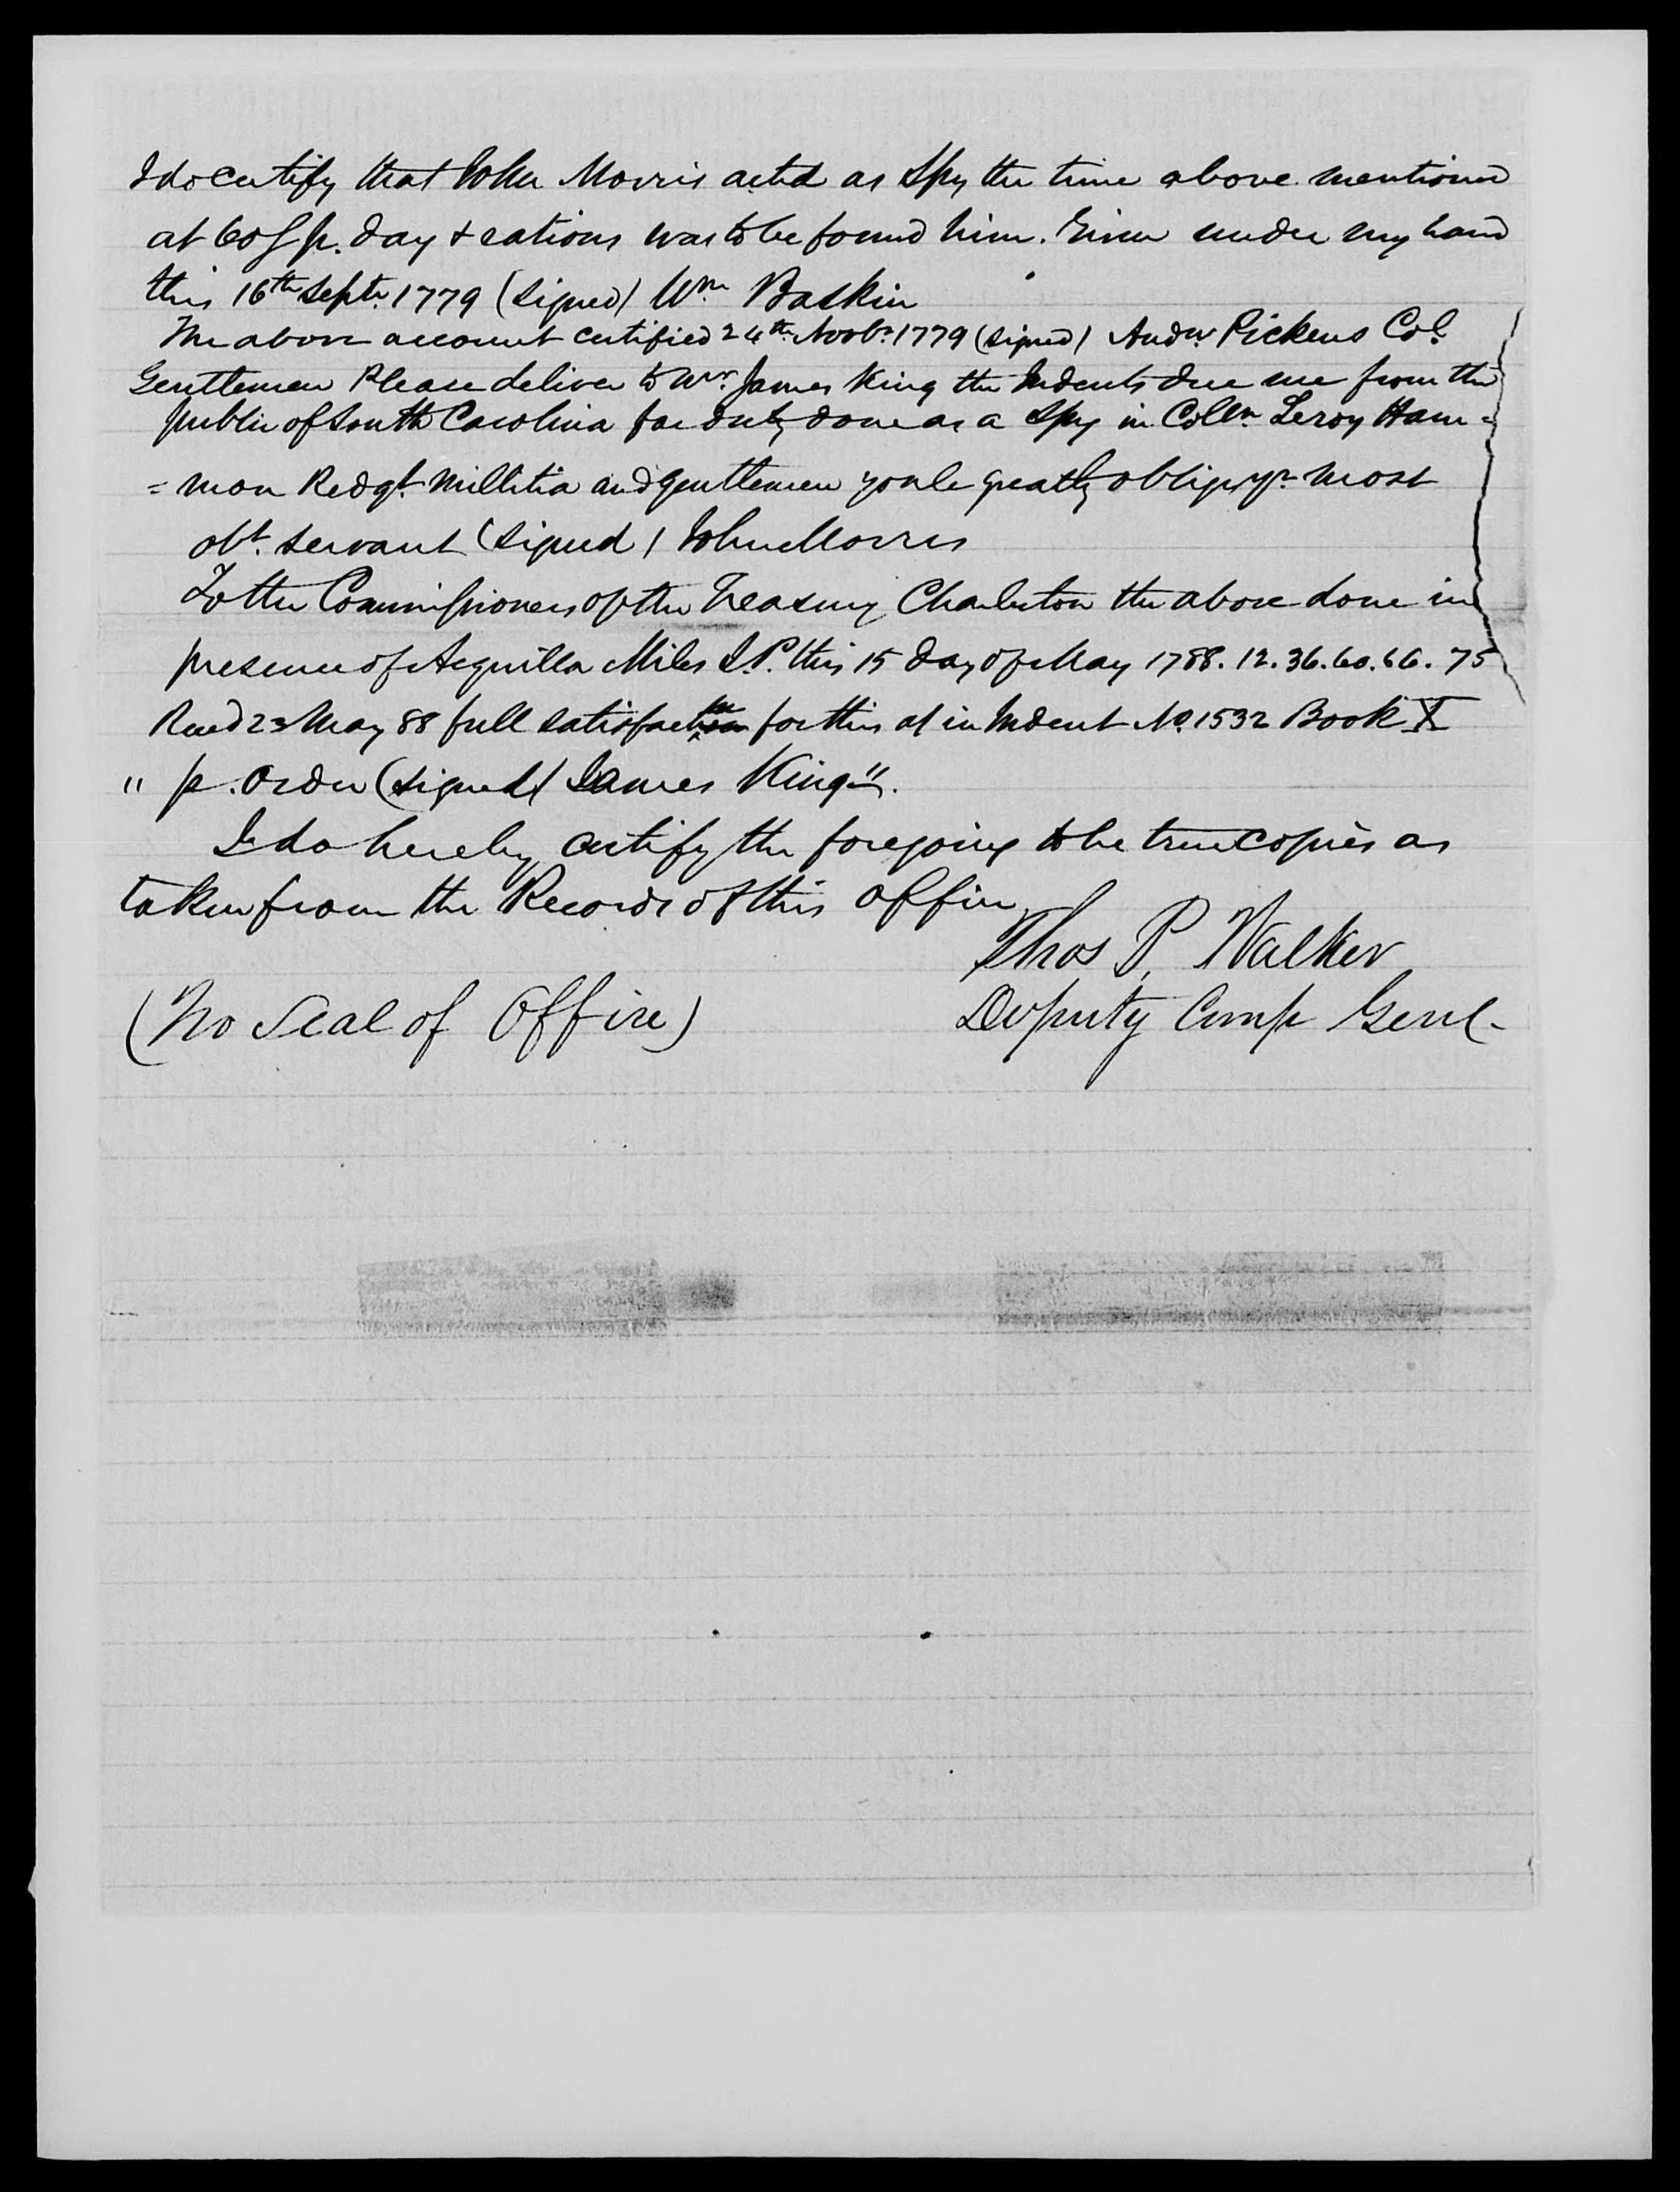I do certify that John Morris acted as Spy the time above mentioned at 60 pr day & rations was to be found him. Given under my hand this 16th Sept. 1779 (Signed ) Wm Baskin

The above account certified 24th Novr 1779 (signed) Andw Pickens Col.

Gentleman Please deliver to Mr James King the Indents due me from the public of South Carolina for duty done as a spy in Col Leroy Hamman [Hammond] Redgt Millitia and Gentlemen Youle greatly oblige yr most
Obt Servant (Signed ) John Morris

To the Commissioner of the Treasury Charleston the above done in presence of Acquilla Miles J.P. this 15 day of May 1788. 12.36.60.66.75
Recd 23 May 88 full satisfaction for this acct in Indent No 1532 Book X
" pr Order (Signed) James King"

I do hereby certify the foregoing to be true copies as taken from the Records of this office s/ Thos P Walker Deputy Comp Genl
(No Seal of Office)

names: Andw Pickens; James King; John Morris; Acquilla Miles; Leroy Hammon; Wm Baskin; Thos P Walker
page: 13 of 20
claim: rejected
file: R. 7407, for John Morriss, South Carolina